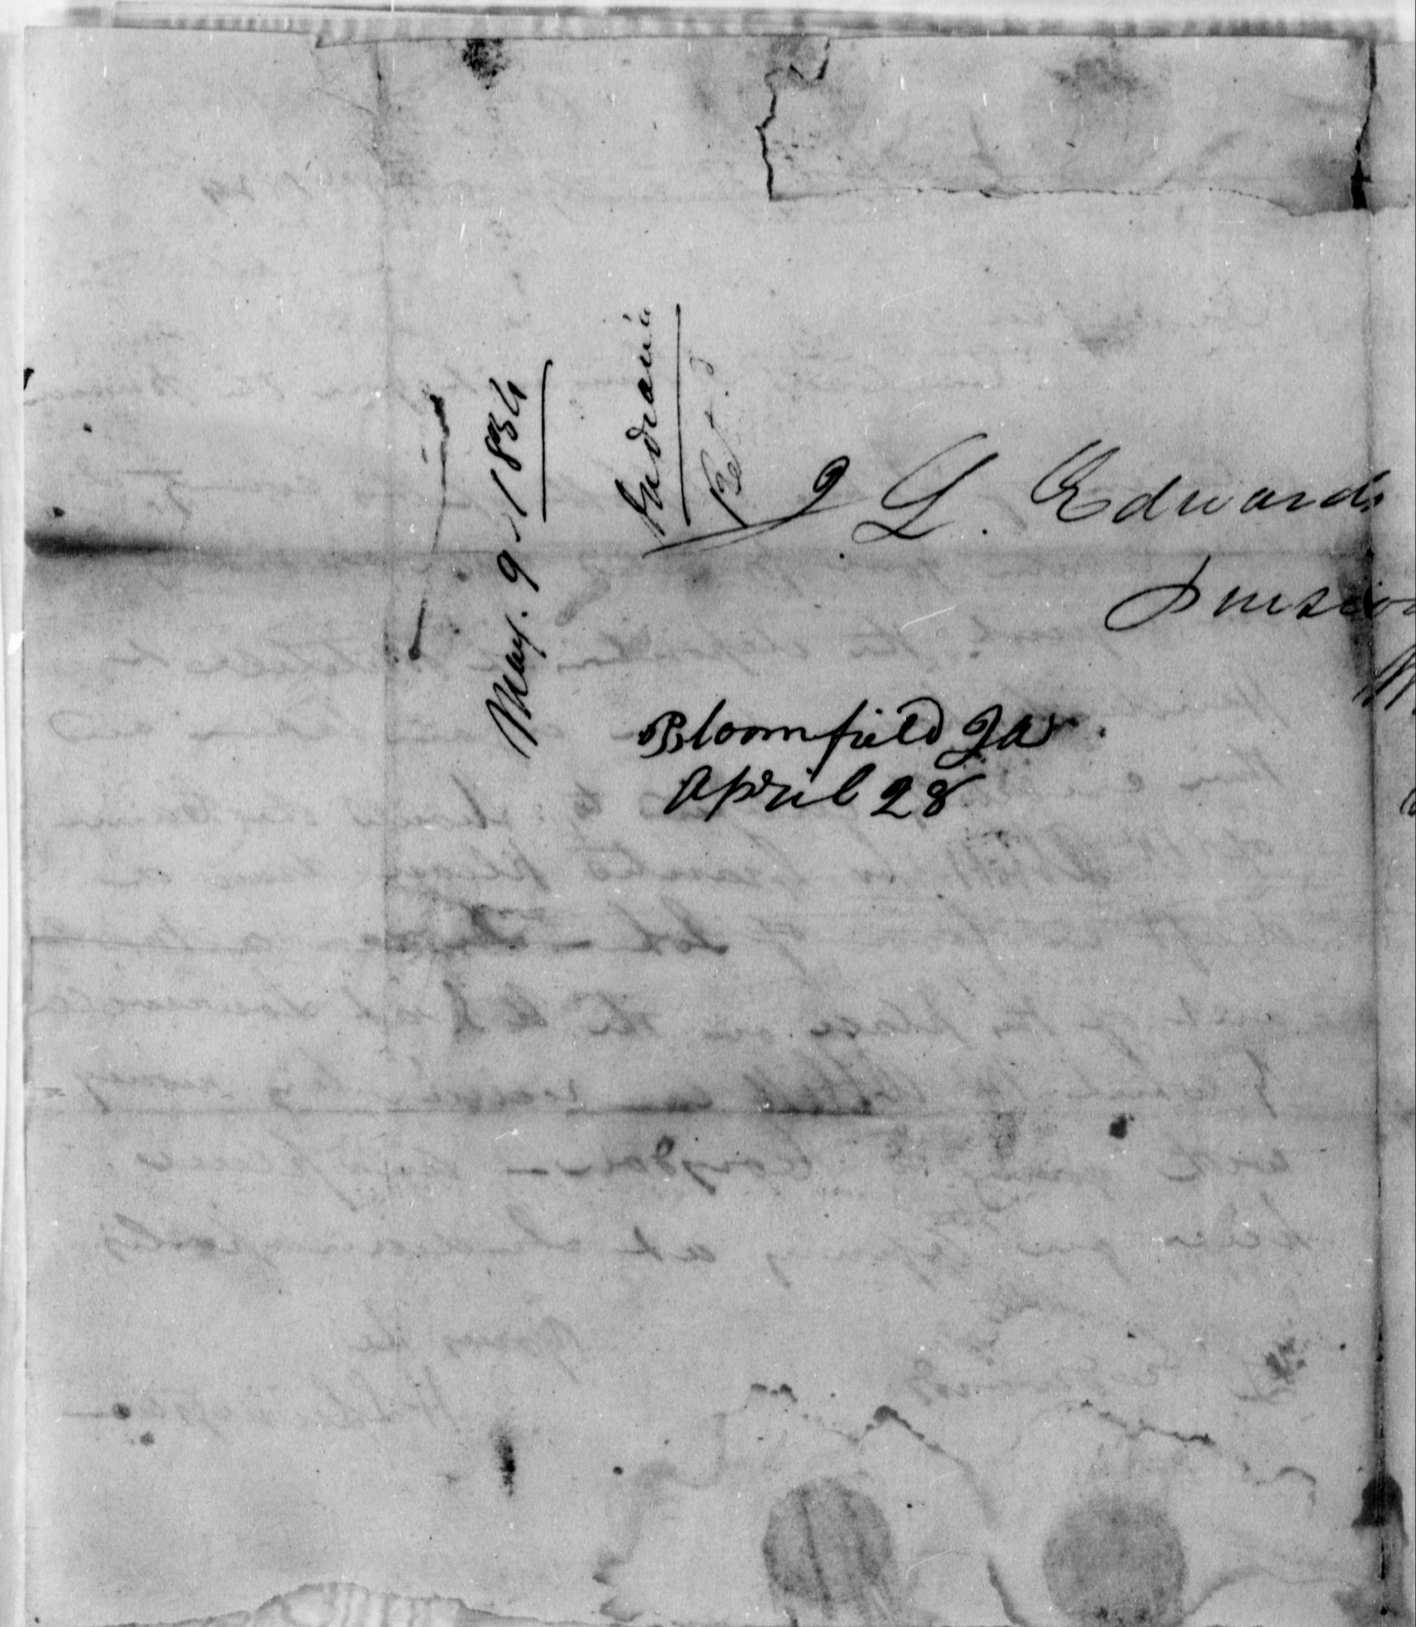May 9, 1836
Indiana

J. L. Edwards
pension 
Bloomfield, Id.
April 28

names: J L Edwards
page: 13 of 35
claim: survivor's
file: S. 32089, John Abbott, Continental N. C.